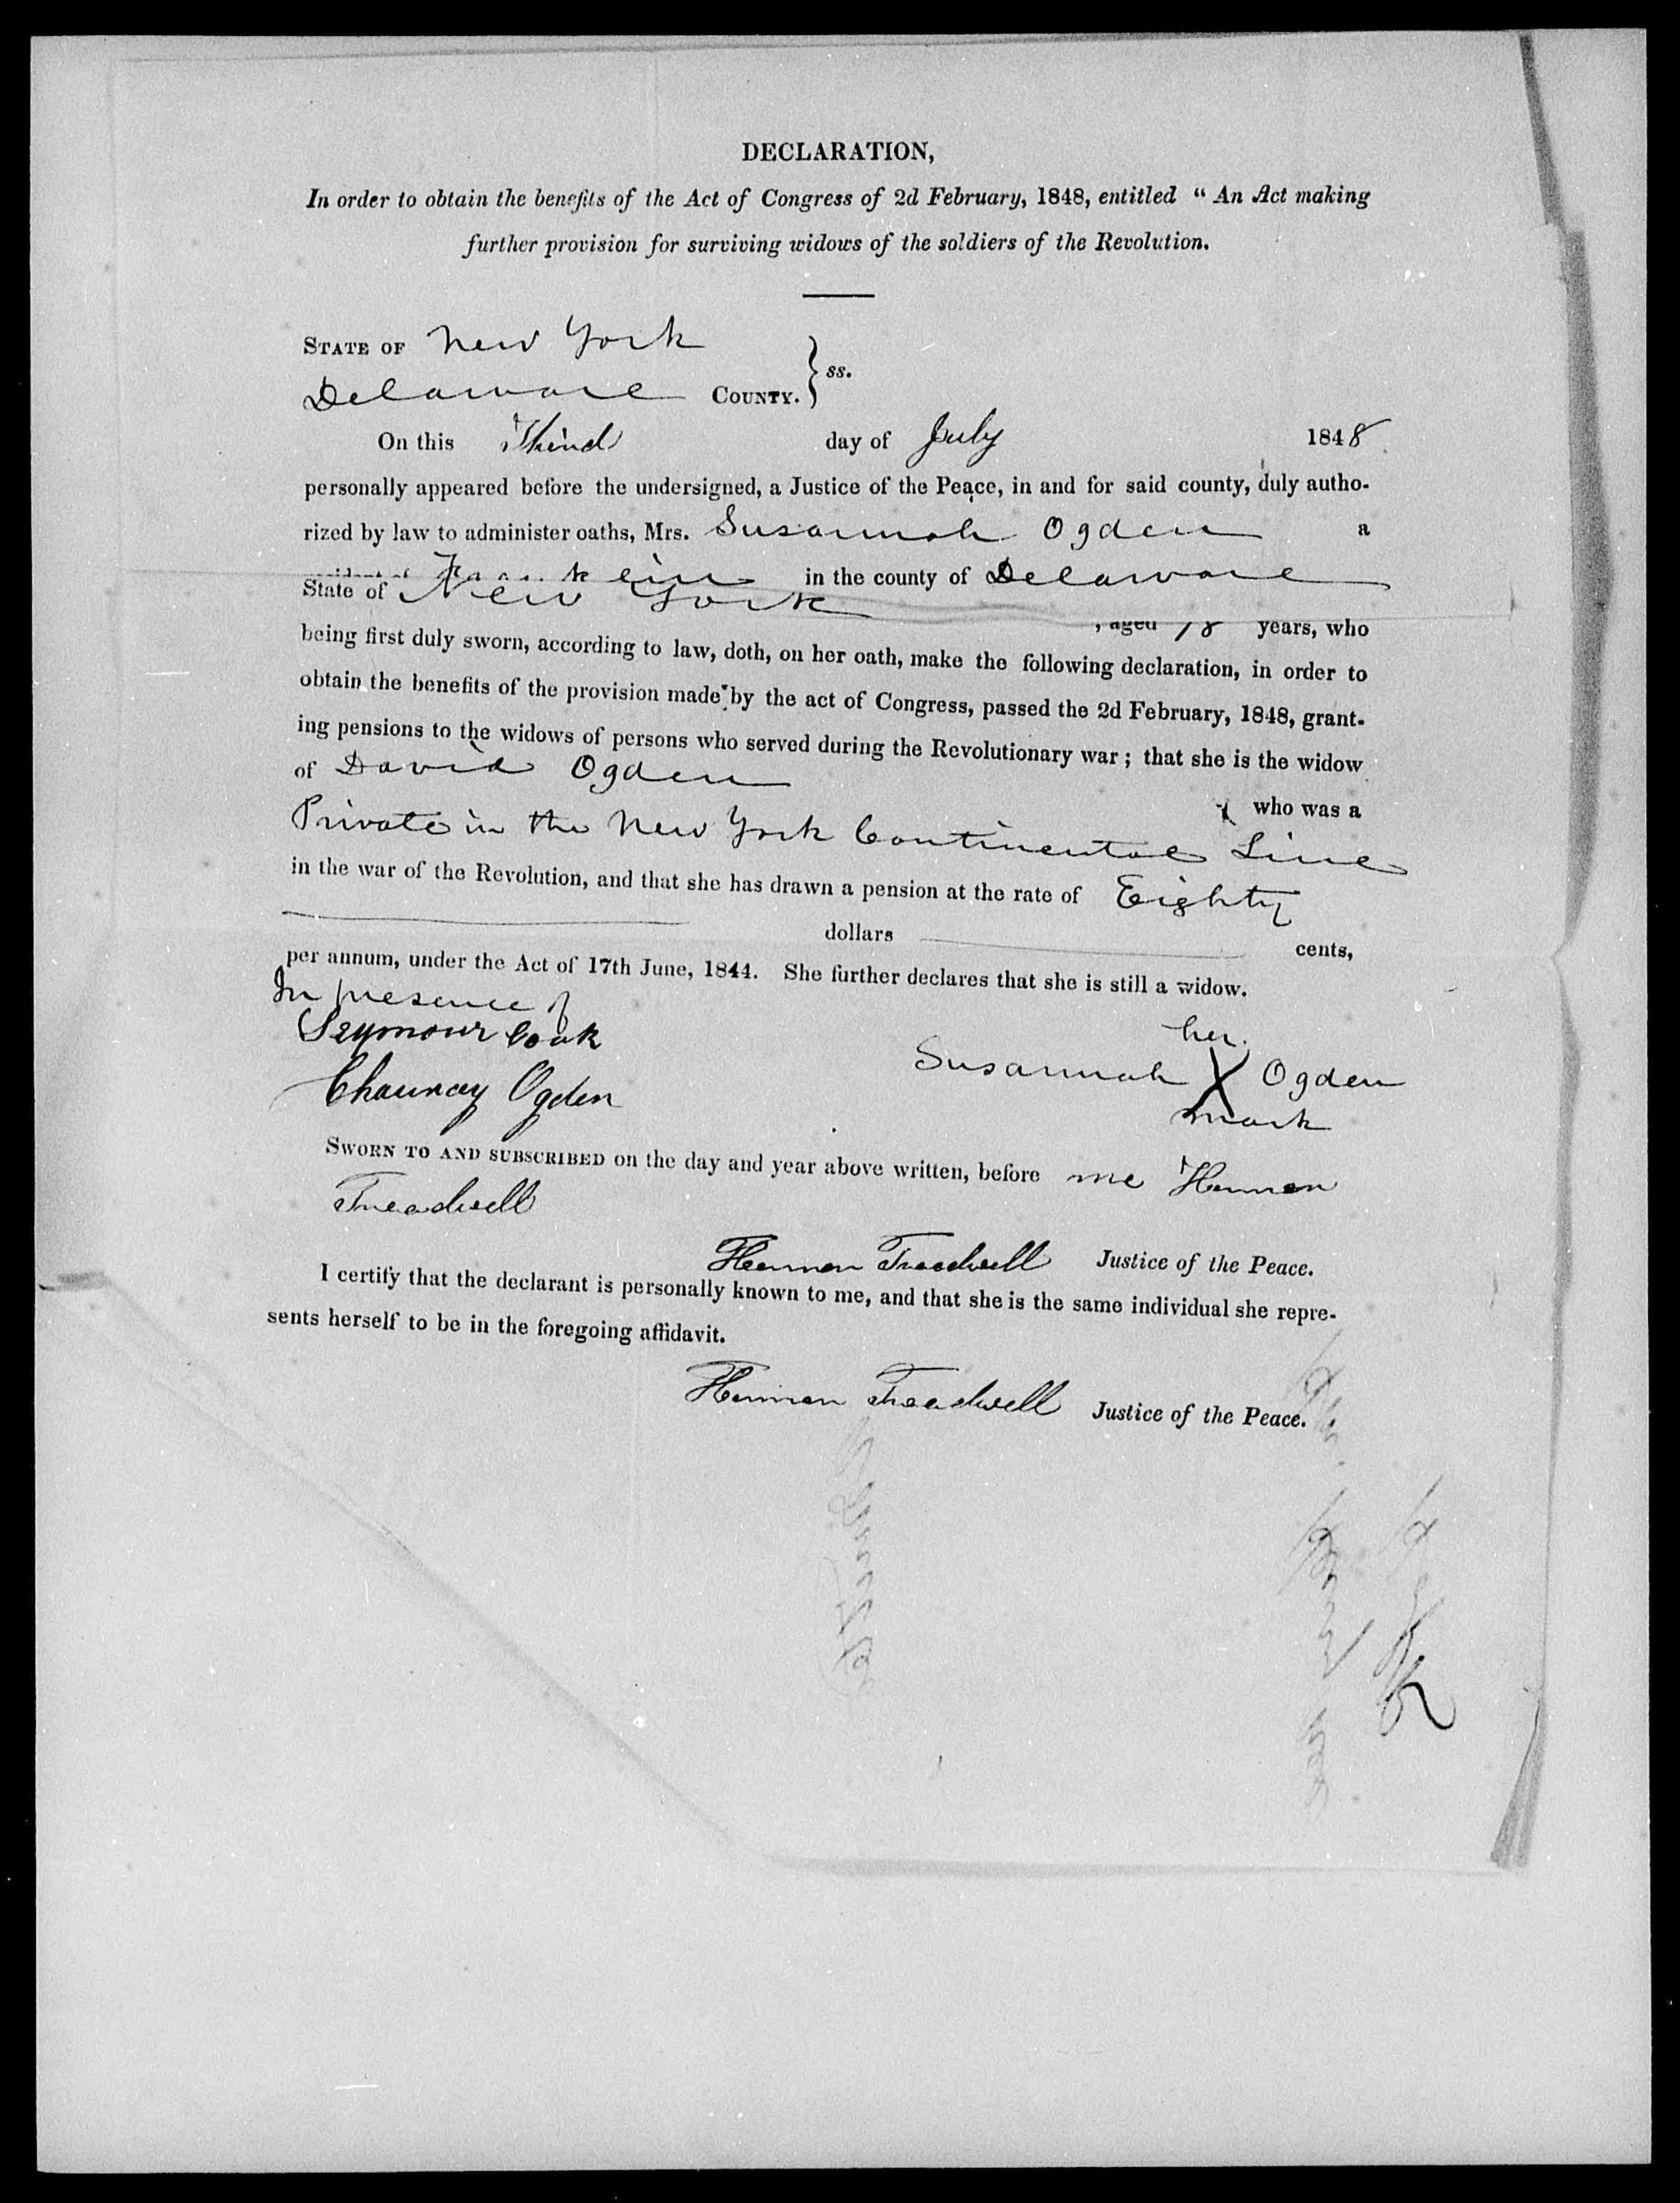DECLARATION,
In order to obtain the benefits of the Act of Congress of 2d February, 1848, entitled " An Act making
further provision for surviving widows of the soldiers of the Revolution.

STATE OF New York
Delaware COUNTY. ⎬ ss.

On this Third day of July 1848
personally appeared before the undersigned, a Justice of the Peace, in and for said county, duly authorized by law to administer oaths, Mrs. Susannah Ogden a
resident of Franklin in the county of Delaware
State of New York [illegible] aged 78 years, who
being first duly sworn, according to law, doth, on her oath, make the following declaration, in order to
obtain the benefits of the provision made by the act of Congress, passed the 2d February, 1848, granting
pensions to the widows of persons who served during the Revolutionary war; that she is the widow
of David Ogden who was a Private in the New York Continental Line
in the war of the Revolution, and that she has drawn a pension at the rate of Eighty dollars --- cents,
per annum, under the Act of 17th June, 1844. She further declares that she is still a widow.
Susannah Ogden her mark [X]

In presence of
Seymour Cook
Chauncey Ogden

SWORN TO AND SUBSCRIBED on the day and year above written, before me
Herman Treadwell

Herman Treadwell Justice of the Peace. 
I certify that the declarant is personally known to me, and that she is the same individual she represents
herself to be in the foregoing affidavit.
Heman Treadwell Justice of the Peace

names: Seymour Cook; David Ogden; Chauncey Ogden; Susannah Ogden; Herman Treadwell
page: 31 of 40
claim: widow's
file: W. 24364, for David Ogden, New York